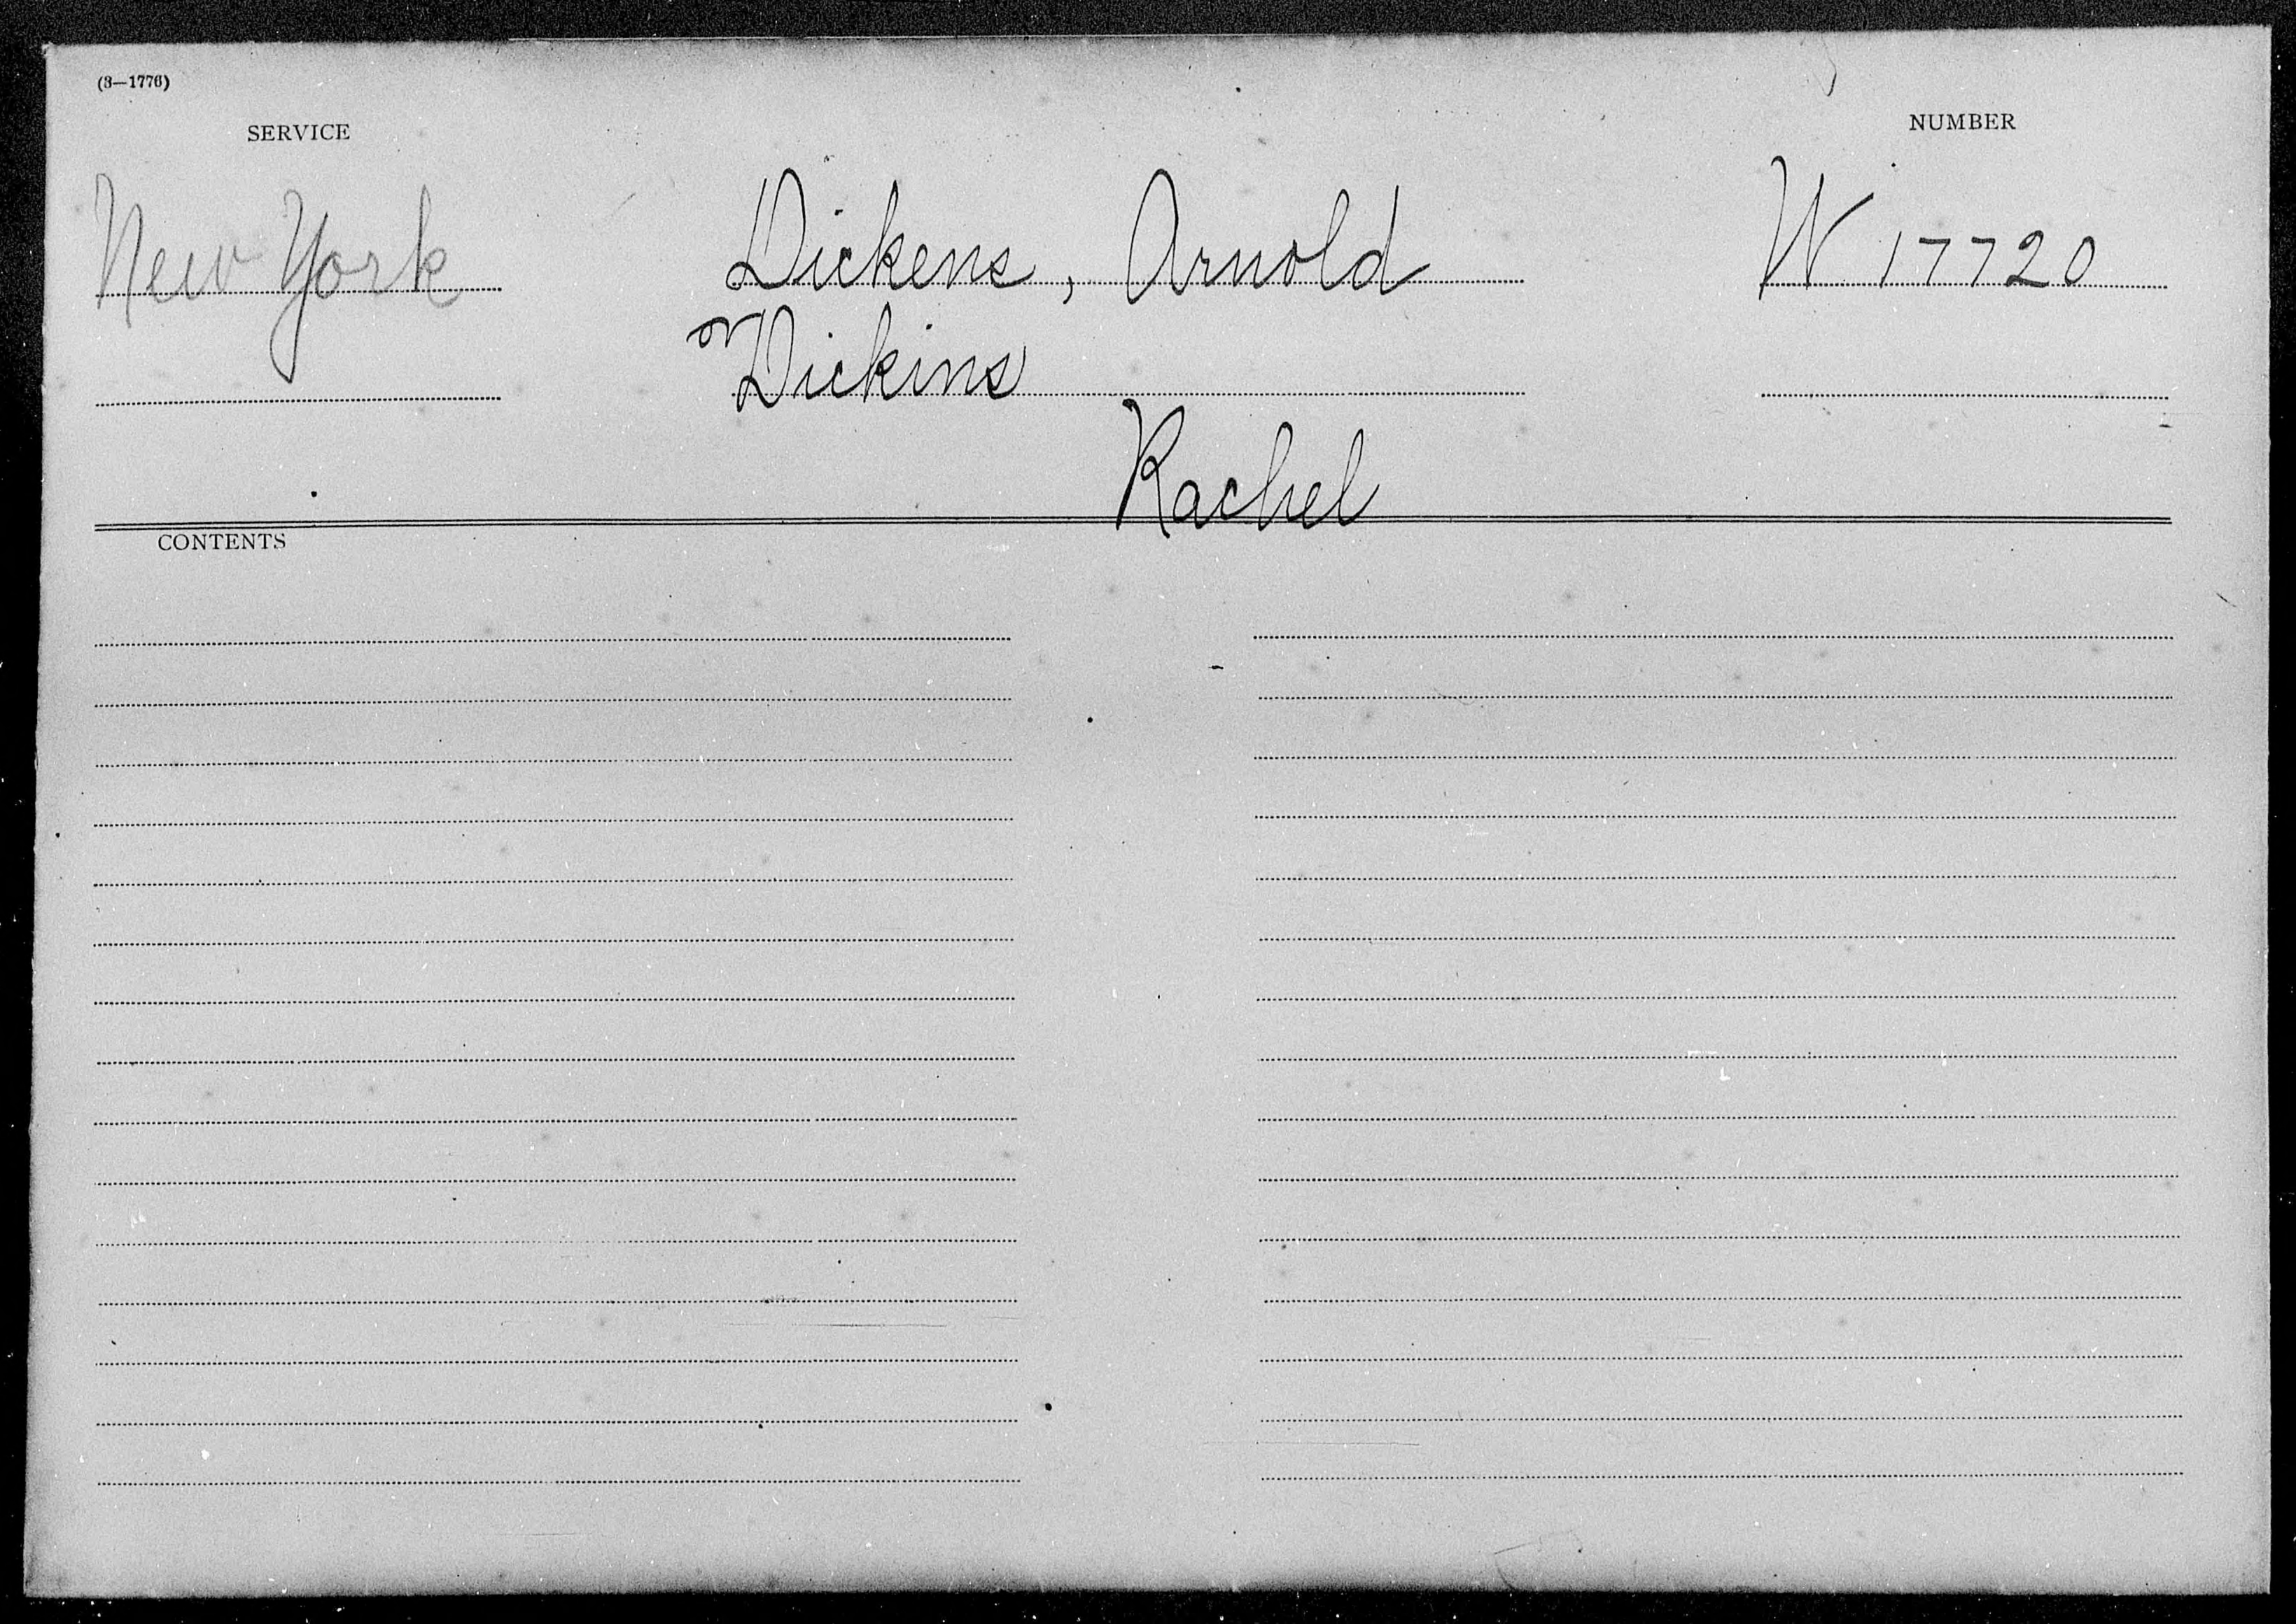(3—1776)

SERVICE
New York

Dickens, Arnold
or Dickins
Rachel

NUMBER
W17720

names: Arnold Dickins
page: 1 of 29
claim: widow's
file: W. 17720, Arnold Dickens, New York